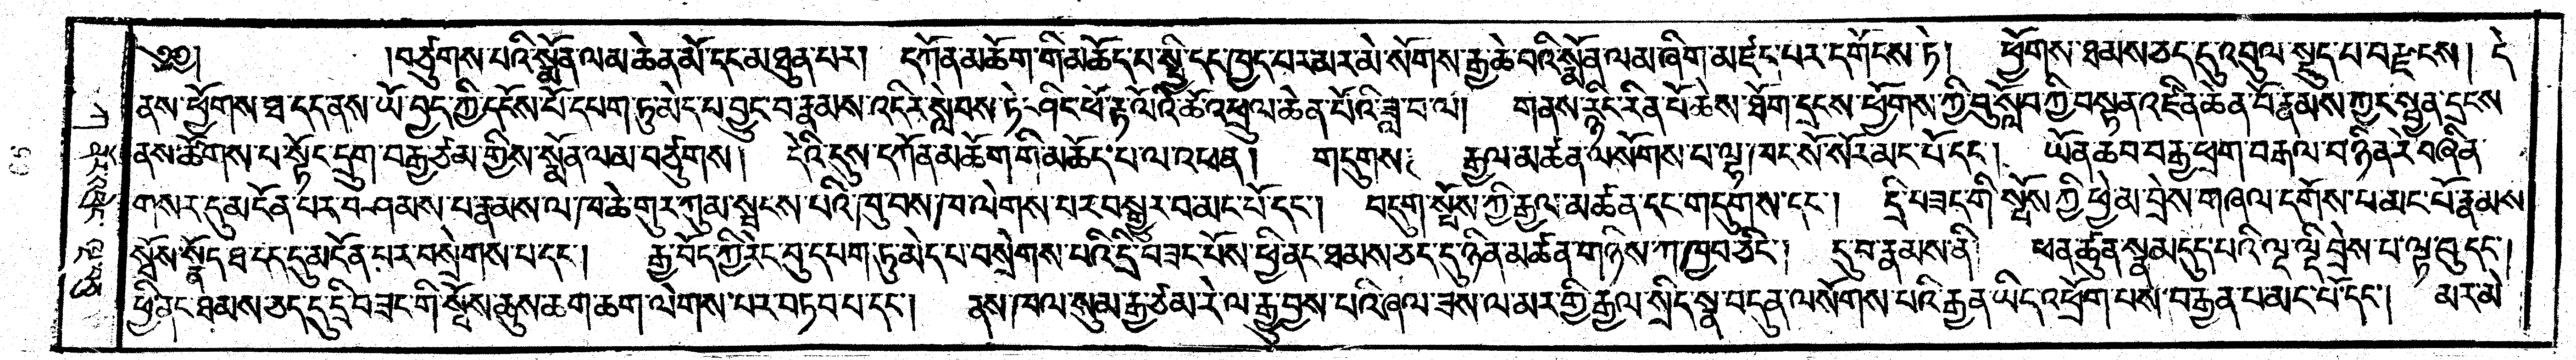༄༅། །བཙུགས་པའི་སྨོན་ལམ་ཆེན་མོ་དང་མཐུན་པར། དཀོན་མཆོག་གི་མཆོད་པ་སྤྱི་དང་ཁྱད་པར་མར་མེ་སོགས་རྒྱ་ཆེ་བའི་སྨོན་ལམ་ཞིག་མཛད་པར་དགོངས་ཏེ། ཕྱོགས་ཐམས་ཅད་དུ་འབུལ་སྡུད་པ་བརྫངས། དེ་
ནས་ཕྱོགས་ཐ་དད་ནས་ཡོ་བྱད་ཀྱི་དངོས་པོ་དཔག་ཏུ་མེད་པ་བྱུང་བ་རྣམས་འདིར་སླེབས་ཏེ་ཤིང་ཕོ་རྟ་ལོའི་ཆོ་འཕྲུལ་ཆེན་པོའི་ཟླ་བ་ལ། གནས་རྙིང་རིན་པོ་ཆེས་ཐོག་དྲངས་ཕྱོགས་ཀྱི་བུ་སློབ་ཀྱི་བསྟན་འཛིན་ཆེན་པོ་རྣམས་ཀྱང་སྦྱན་དྲངས་
ནས་ཚོགས་པ་སྟོང་དྲུག་བརྒྱ་ཙམ་གྱིས་སྨོན་ལམ་བཙུགས། དེའི་དུས་དཀོན་མཆོག་གི་མཆོད་པ་ལ་འཕན། གདུགས༑ རྒྱལ་མཚན་ལ་སོགས་པ་ལྷ་ཁང་སོ་སོར་མང་པོ་དང་། ཡོན་ཆབ་བརྒྱ་ཕྲག་བརྒལ་བ་ཉིན་རེ་བཞིན་
གསར་དུ་མངོན་པར་བཤམས་པ་རྣམས་ལ་ཁ་ཆེ་གུར་ཀུམ་སྦངས་པའི་ཁུ་བས་ཁ་ལེགས་པར་བསྒྱུར་བ་མང་པོ་དང་། བདུག་སྤོས་ཀྱི་རྒྱལ་མཚན་དང་གདུགས་དང་། དྲི་བཟང་གི་སྤོས་ཀྱི་ཕྱེ་མ་བྲེས་གཞལ་དགོས་པ་མང་པོ་རྣམས་
སྦོས་སྣོད་ཐ་དད་དུ་མངོན་པར་བསྲེགས་པ་དང་། རྒྱ་བོད་ཀྱི་རེང་བུ་དཔག་ཏུ་མེད་པ་བསྲེགས་པའི་དྲི་བཟང་པོས་ཕྱི་ནང་ཐམས་ཅད་དུ་ཉིན་མཚན་གཉིས་ཀ་ཁྱབ་ཅིང་། དུ་བ་རྣམས་ནི། ཕན་ཚུན་སྣམ་དུད་པའི་ལྔ་ལྡི་བྲེས་པ་ལྟ་བུ་དང་།
ཕྱི་ནང་ཐམས་ཅད་དུ་དྲི་བཟང་གི་སྤོས་ཆུས་ཆག་ཆག་ལེགས་པར་བཏབ་པ་དང་། ནས་ཁལ་སུམ་རྒྱ་ཙམ་རེ་ལ་རྒྱུ་བྱས་པའི་ཞལ་ཟས་ལ་མར་གྱི་རྒྱལ་སྲིད་སྣ་བདུན་ལ་སོགས་པའི་རྒྱན་ཡིད་འཕྲོག་པས་བརྒྱན་པ་མང་པོ་དང་། མར་མེ་